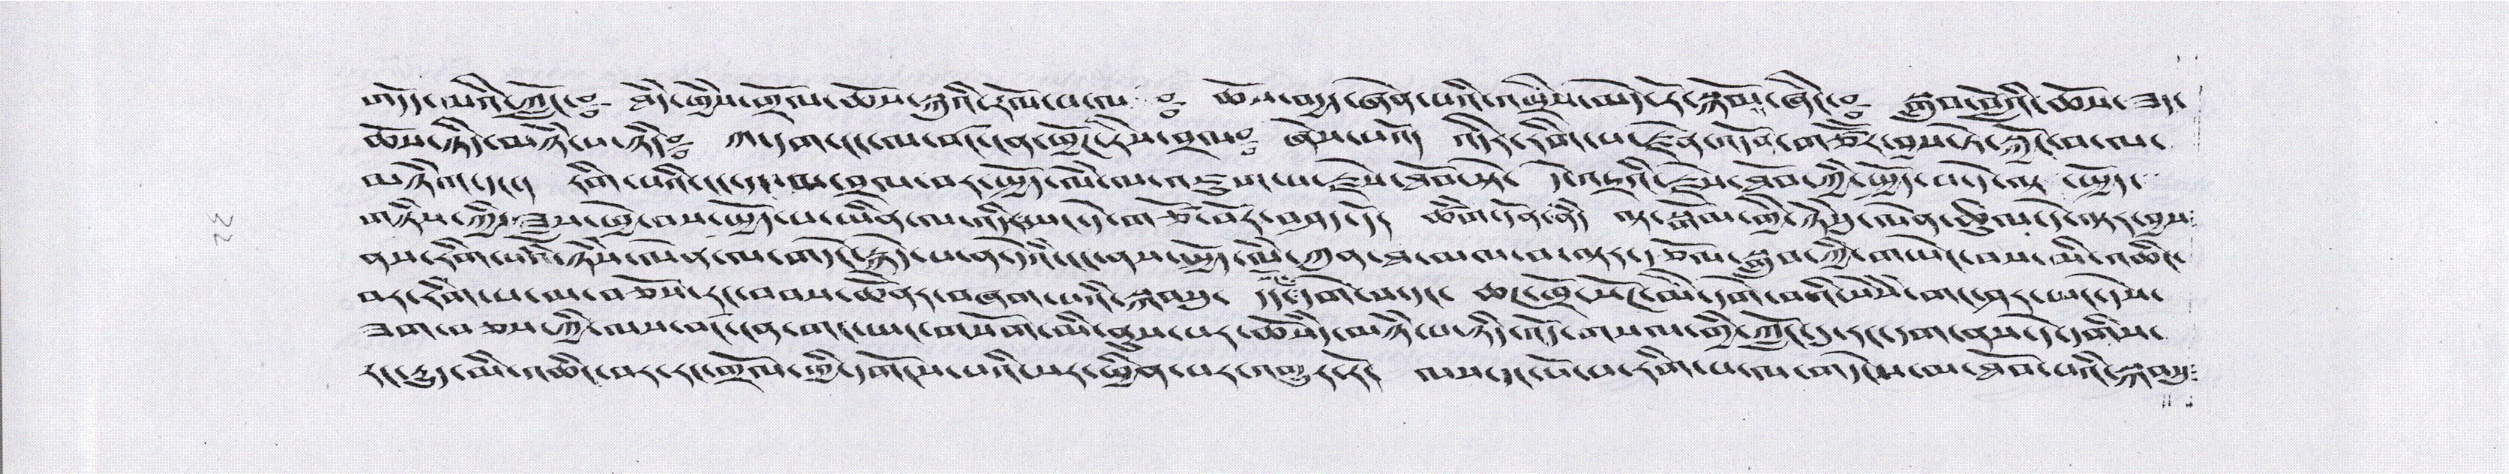གདོད་མའི་ཀློངཿ ཐམས་ཅད་ཕྱམ་གྲོལ་ཆོས་སྐུའི་རོལ་པ་ལཿ ཆོས་བརྒྱད་ཞེན་པའི་འཁྲིས་མེད་རོ་སྙོམས་ཤིང་། སྒྲུབ་བློའི་ཆོས་ཟད་
ཆོས་ཉིད་མཉམ་པ་ཉིདཿ ཀ་དག་ངང་ལ་བཟང་ངན་ཕྱོགས་རིས་བྲལཿ ཞེས་པའོ། འདིར་རིག་པ་རྗེན་འདོན་གཙོ་བོར་བྱས་ཏེ་སྐྱོང་བ་ལ་
མཉམ་གཞག་དང་། རིག་པའི་ངང་དང་མ་བྲལ་བར་སྤྱོད་ལམ་ལ་འཇུག་པ་ལ་རྗེས་ཐོབ་སྟེ། དེ་འདྲའི་རྗེས་ཐོབ་ཀྱི་སྤྱོད་པ་དེ་ལྟ་སྤྱོད་
གཉིས་ཀྱི་ཟླས་ཕྱེ་བའི་སྤྱོད་པ་ཡིན་ལ། འདིར་ཡང་དེ་གཙོ་བོར་བཤད་དོ། ཚིག་དོན་ནི། ལྟ་སྒོམ་གྱི་ཉམས་སུ་ལེན་ཚུལ་དེ་ལྟར་བྱས་
ནས་རིག་པའི་ཉམས་ལེན་ལ་གདེང་རྙེད་པ་ན་དེའི་ངང་ནས་སྤྱོད་ལམ་ཀུན་ཐ་མལ་བ་ལྟར་རྩོལ་སྒྲུབ་ཀྱི་གཡེང་བས་མི་འཆིང་
བར་རིག་པ་མ་བཅོས་རང་བབས་སུ་བཞག་པའི་སྐབས་སུ་དང་པོ་དགེ་བ་དང་ཆགས་ཁྲོ་སོགས་མི་དགེ་བའི་སེམས་གང་ཤར་ཡང་དེས་
ཟག་བཅས་ཀྱི་ལས་བཟང་ངན་གང་ཡང་གསོག་མི་ནུས་པར་ཆོས་ཉིད་མཉམ་པ་ཉིད་འོད་གསལ་གྱི་ཀློང་དུ་རང་དག་ནས་དེ་དག་གིས་
རང་རྒྱུད་མི་འཆིང་བར་རང་གྲོལ་གྱི་དགོངས་པའི་སར་ཕྱིན་པར་འགྱུར་རོ། ལས་དང་པོ་བ་རིག་པ་ལ་གདེང་མ་ཐོབ་པའི་སྐབས་སུ་